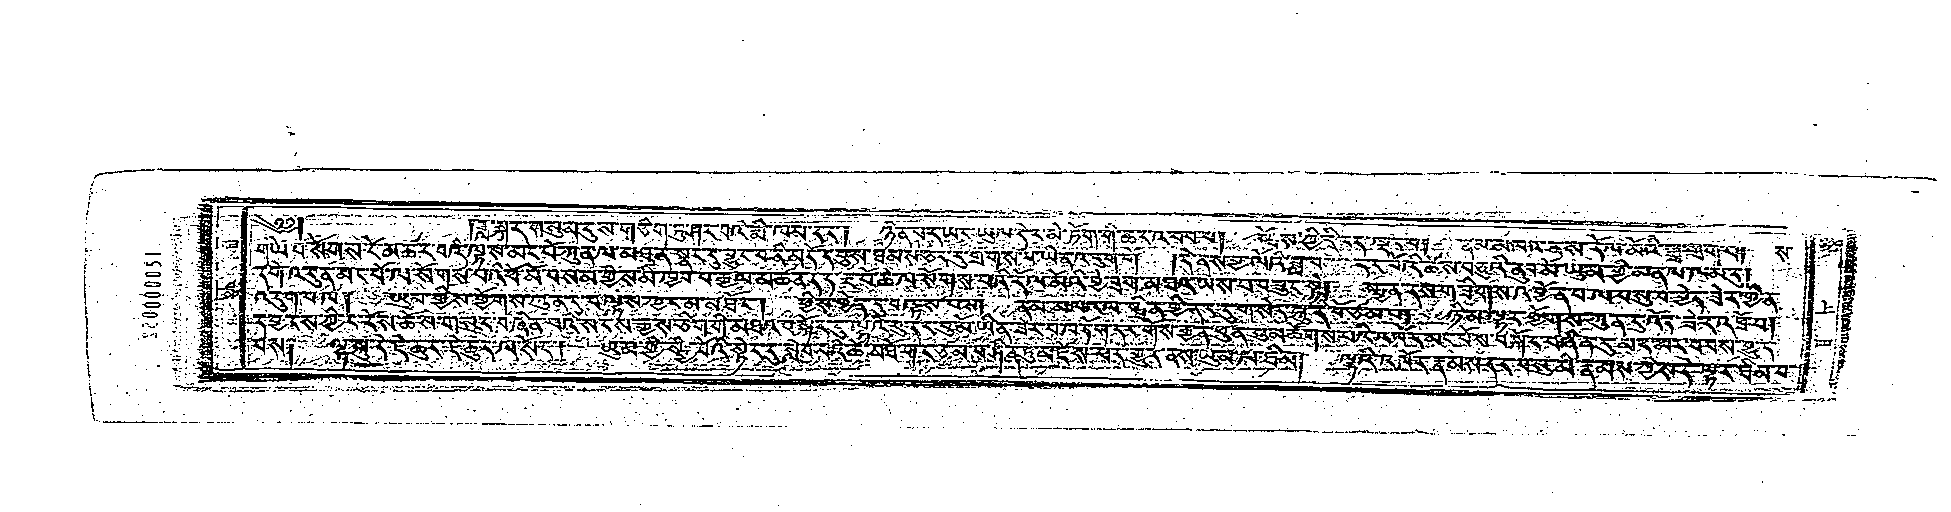༄༅། །ཟླ་སྐར་གསུམ་དུས་གཅིག་ཏུ་ཤར་བའི་རྨི་ལམ་དང་། ཉིན་པར་ཡང་ཡུལ་དེར་མེ་ཏོག་གི་ཆར་འབབ་པ། སྤོས་ཀྱི་དྲི་ངད་ལྡང་བ། ནམ་མཁའ་ནས་རོལ་མོའི་སྒྲ་གྲག་བ། ས་
གཡོ་བ་སོགས་ངོ་མཚར་བའི་ལྟས་མང་པོ་ཀུན་ལ་མཐུན་སྣང་དུ་བྱུང་བ་ནི་མདོ་དབུས་ཐམས་ཅད་དུ་གྲགས་པ་ཡིན་འདུག་བོ། །དེ་ནས་བྱ་ལོའི་ཟླ་བ་དང་བོའི་ཚེས་བཅུའི་ནུབ་མོ་ཡུམ་གྱི་མནལ་ལམ་དུ།
དགེ་འདུན་མང་པོ་ལ་སོགས་པའི་ཕོ་མོ་བསམ་གྱིས་མི་ཁྱབ་པ་རྒྱལ་མཚན་དང་ཇོ་བོ་ཆེ་ལ་སོགས་པའི་རོལ་མོའི་བྱེ་བྲག་མཐའ་ཡིས་པ་བཟུང་སྟེ། སྤྱན་རས་གཟིགས་འབྱོན་པ་ལ་བསུ་བ་བྱེད་ཟེར་གྱིན་
འདུག་པ་ལ༑ ཡུམ་གྱིས་ཕྱོགས་ཀུན་དུ་བལྟས་ཀྱང་མ་མཐོང་། ཕྱིས་གྱེན་དུ་བལྟས་པས། ནམ་མཁའ་ལ་སྤྲིན་གྱི་ནང་དུ་གསེར་སྐུ་རི་བོ་ཙམ་པ། ཉི་མ་ལྟར་ཕྱོགས་ཀུན་དུ་འོད་ཟེར་འཕྲོ་བ།
དབྱངས་ཀྱི་ང་རོས་ཆོས་གསུང་བཞིན་བའི་སངས་རྒྱས་ཅིག་གི་མཐའ་བསྐོར་དུ་ལྷའི་བུ་དང་བུ་མོ་ཡིན་ཟེར་བ་ཁ་དོག་དང་གོས་གྱན་ཕུན་སུམ་ཚོགས་པའི་འཁོར་མང་པོས་བསྐོར་བཞིན་དུ་མར་མར་བབས་བྱུང་
བས༑ ལྷ་སྐུ་དེ་ཇེ་ཆུང་ལ་སོང་། ཡུམ་གྱི་སྤྱི་བོའི་སྟེང་དུ་སླེབ་པའི་ཚེ་མཐོ་གང་ཙམ་བ་ཤིན་ཏུ་མཛེས་པར་གྱུར་ནས་ཡུམ་ལ་ཐིམ། ལྷའི་འཁོར་རྣམས་དང་བསུ་མི་རྣམས་ཀྱིས་དེ་ལྟར་ཐིམ་བ་